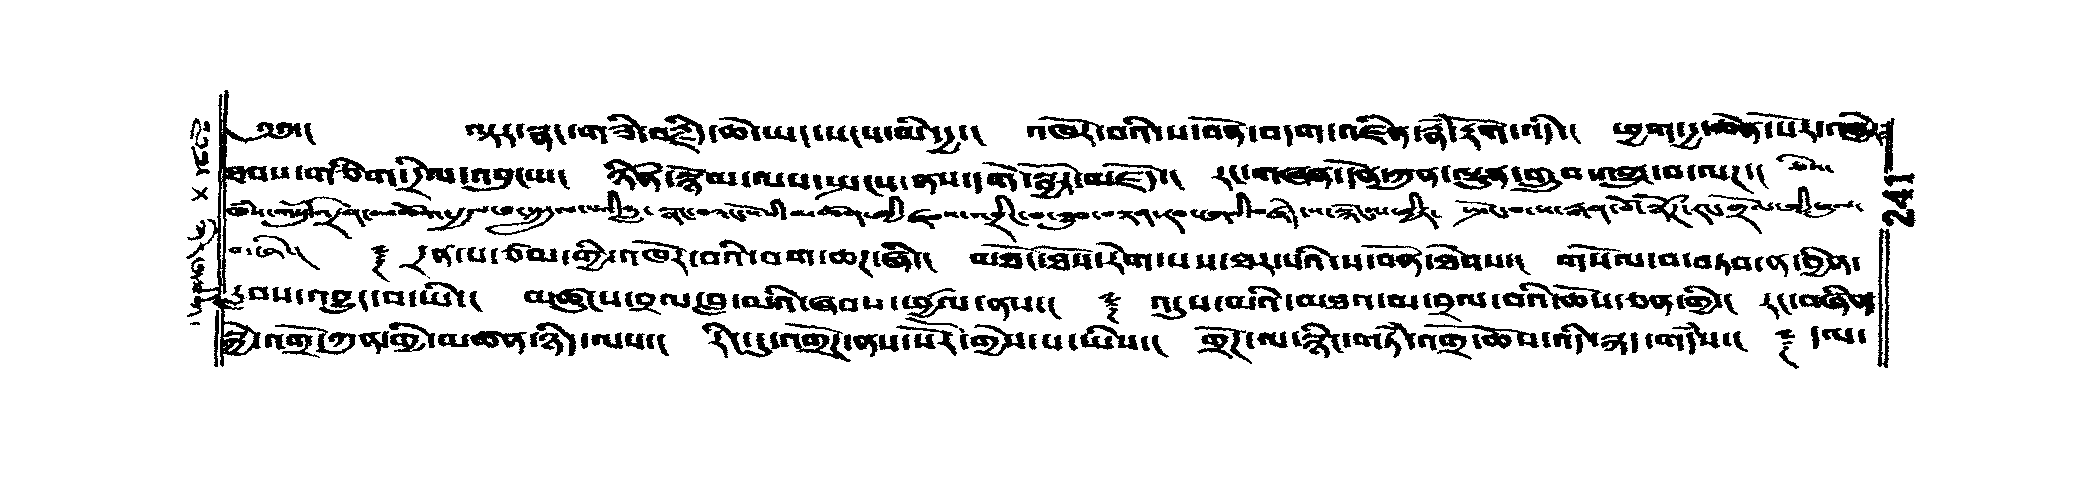།ལྟར་སྣང་གཟི་བརྗིད་ཆེ་ཡང་སངས་མི་རྒྱ། །འཁོར་བའི་ས་བོན་བདག་འཛིན་རྣམ་རྟོག་འདི། །ཕྱག་རྒྱ་ཆེན་པོར་འཁྱེར་
ཐབས་གཅིག་དྲིལ་འབུངས། །ཉིན་མཚན་སྙོམ་ལས་སྤངས་ནས་དགེ་སྦྱོར་མཛོད། །རང་གཞན་དོན་ཀུན་ལྷུན་གྲུབ་འབྱུང་བ་ལགས། །ཅེས་
ཁམས་གསུམ་འདྲེན་མཆོག་རྒྱལ་བ་སྤྲུལ་པའི་ཟླ་སྣང་བཟང་པོའི་མཚན་གྱི་ཞབས་འབྲིང་བ་ཐུབ་བསྟན་རབ་དགའི་བཞེད་པ་སྐོང་ཕྱིར། སྤོང་བ་པ་རྒན་པོ་སྣ་ཚོགས་རང་གྲོལ་གྱི་ཕུལ་
བ་དགེའོ།། ༈ དྲན་པ་ཙམ་གྱི་འཁོར་བའི་བག་ཆགས་ཞི། །མཐོང་ཐོས་རེག་པས་ཐར་པའི་ས་བོན་ཐེབས། །གསོལ་བ་བཏབ་ན་བྱིན་
རླབས་འབྱུང་བ་ཡི། །མཚུངས་བྲལ་བླ་མའི་ཞབས་ལ་ཕྱག་འཚལ་ནས། ༈ འདུས་མའི་མཐའ་མ་བྲལ་བའི་ཆོས་ཅན་གྱི། །རང་བཞིན་
སྐྱེ་འགྲོ་ཀུན་གྱི་མཚན་ཉིད་ལས། །རིང་དུ་འགྲོགས་ནས་སོ་སོར་གྱེས་པ་ཡིས། །གྲོགས་ལ་སྙིང་གཏམ་འགྲོ་ཆོས་འདི་སྐད་གདམས། ༈ དལ་